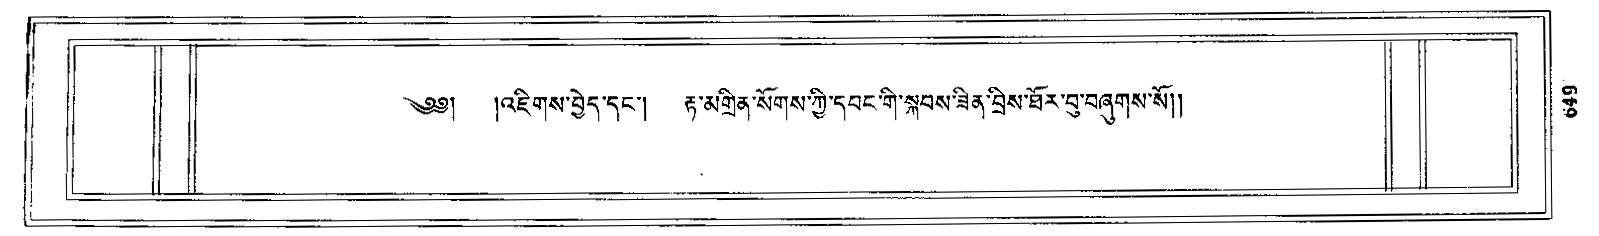༄༅། །འཇིགས་བྱེད་དང་། རྟ་མགྲིན་སོགས་ཀྱི་དབང་གི་སྐབས་ཟིན་བྲིས་ཐོར་བུ་བཞུགས་སོ།།
༈